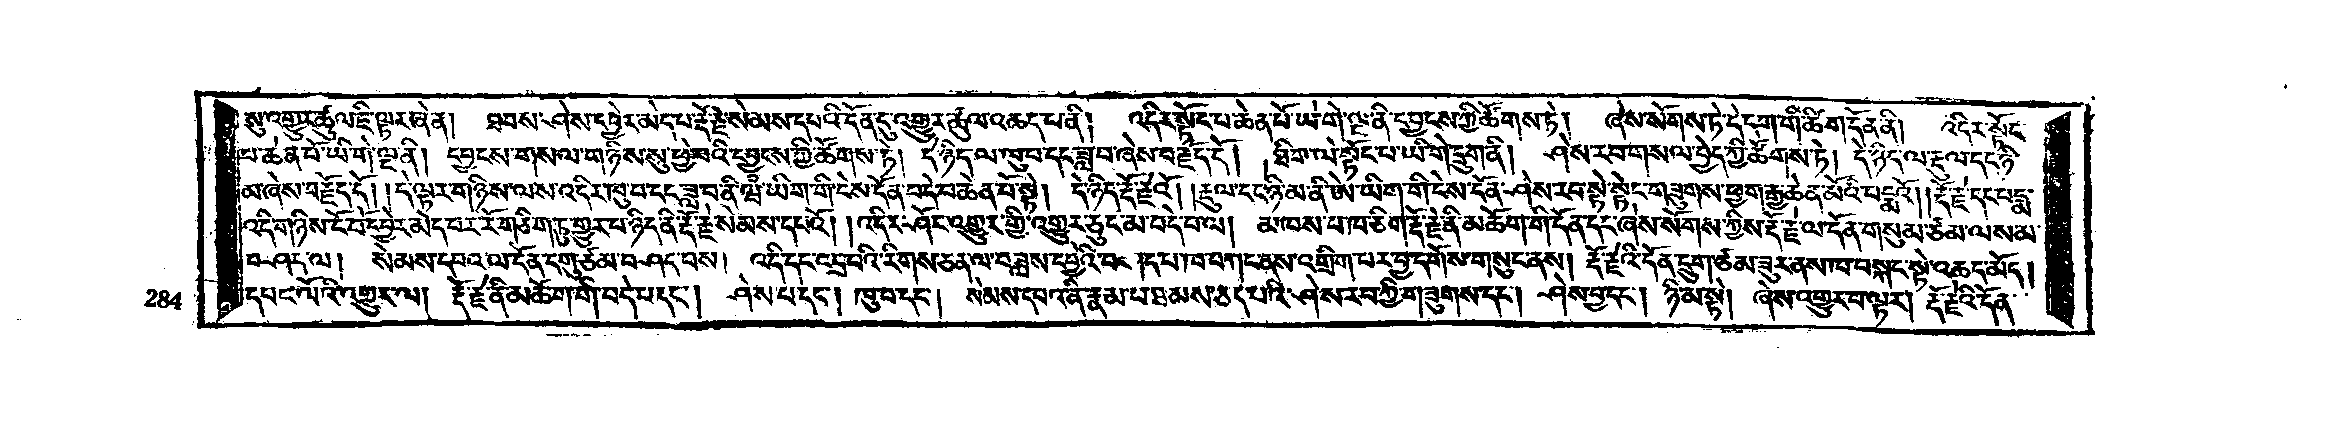སུ་འགྱུར་ཚུལ་ཇི་ལྟར་ཞེ་ན། ཐབས་ཤེས་དབྱེར་མེད་པ་རྡོ་རྗེ་སེམས་དཔའི་དོན་དུ་འགྱུར་ཚུལ་འཆད་པ་ནི། འདིར་སྟོང་པ་ཆེན་པོ་ཡི་གེ་ལྔ་ནི་དབྱངས་ཀྱི་ཚོགས་ཏེ། ཞེས་སོགས་ཏེ་དེ་དག་གི་ཚིག་དོན་ནི། འདིར་སྟོང་
པ་ཆེན་པོ་ཡི་གེ་ལྔ་ནི། དབྱངས་གསལ་གཉིས་སུ་ཕྱེ་བའི་དབྱངས་ཀྱི་ཚོགས་ཏེ། དེ་ཉིད་ལ་ཁུ་བ་དང་ཟླ་བ་ཞེས་བརྗོད་དོ། །ཐིག་ལེ་སྟོང་པ་ཡི་གེ་དྲུག་ནི། ཤེས་རབ་གསལ་བྱེད་ཀྱི་ཚོགས་ཏེ། དེ་ཉིད་ལ་རྡུལ་དང་ཉི་
མ་ཞེས་བརྗོད་དོ། །དེ་ལྟར་གཉིས་ལས་འདིར་ཁུ་བ་དང་ཟླ་བ་ནི་ཝཾ་ཡིག་གི་ངེས་དོན་བདེ་བ་ཆེན་པོ་སྟེ། དེ་ཉིད་རྡོ་རྗེའོ། །རྡུལ་དང་ཉི་མ་ནི་ཨེ་ཡིག་གི་ངེས་དོན་ཤེས་རབ་སྟེ་སྟེང་གཟུགས་ཕྱག་རྒྱ་ཆེན་མོའི་པདམའོ། །རྡོ་རྗེ་དང་པདམ་
འདི་གཉིས་ངོ་བོ་དབྱེར་མེད་པར་རོ་གཅིག་ཏུ་གྱུར་པ་ཉིད་ནི་རྡོ་རྗེ་སེམས་དཔའོ། །འདིར་ཤོང་འགྱུར་གྱི་འགྱུར་ཅུང་མ་བདེ་བ་ལ། མཁས་པ་ཁ་ཅིག་རྡོ་རྗེ་ནི་མཆོག་གི་དོན་དང་ཞེས་སོགས་ཀྱིས་རྡོ་རྗེ་ལ་དོན་གསུམ་ཙམ་ལས་མ་
བཤད་ལ། སེམས་དཔའ་ལ་དོན་དགུ་ཙམ་བཤད་པས། འདི་དང་འདྲ་བའི་རིགས་ཅན་ལ་བཟླས་དབྱེའི་བཤད་པ་ཁ་བཀང་ནས་འགྲིག་པར་བྱ་དགོས་གསུང་ནས། རྡོ་རྗེའི་དོན་དྲུག་ཙམ་ཟུར་ནས་ཁ་བསྐང་སྟེ་འཆད་མོད།
དབང་ལོའི་འགྱུར་ལ། རྡོ་རྗེ་ནི་མཆོག་གི་བདེ་བ་དང་། ཤེས་པ་དང་། ཁུ་བ་དང་། སེམས་དཔའ་ནི་རྣམ་པ་ཐམས་ཅད་པའི་ཤེས་རབ་ཀྱི་གཟུགས་དང་། ཤེས་བྱ་དང་། ཉི་མ་སྟེ། ཞེས་འགྱུར་བ་ལྟར། རྡོ་རྗེའི་དོན་